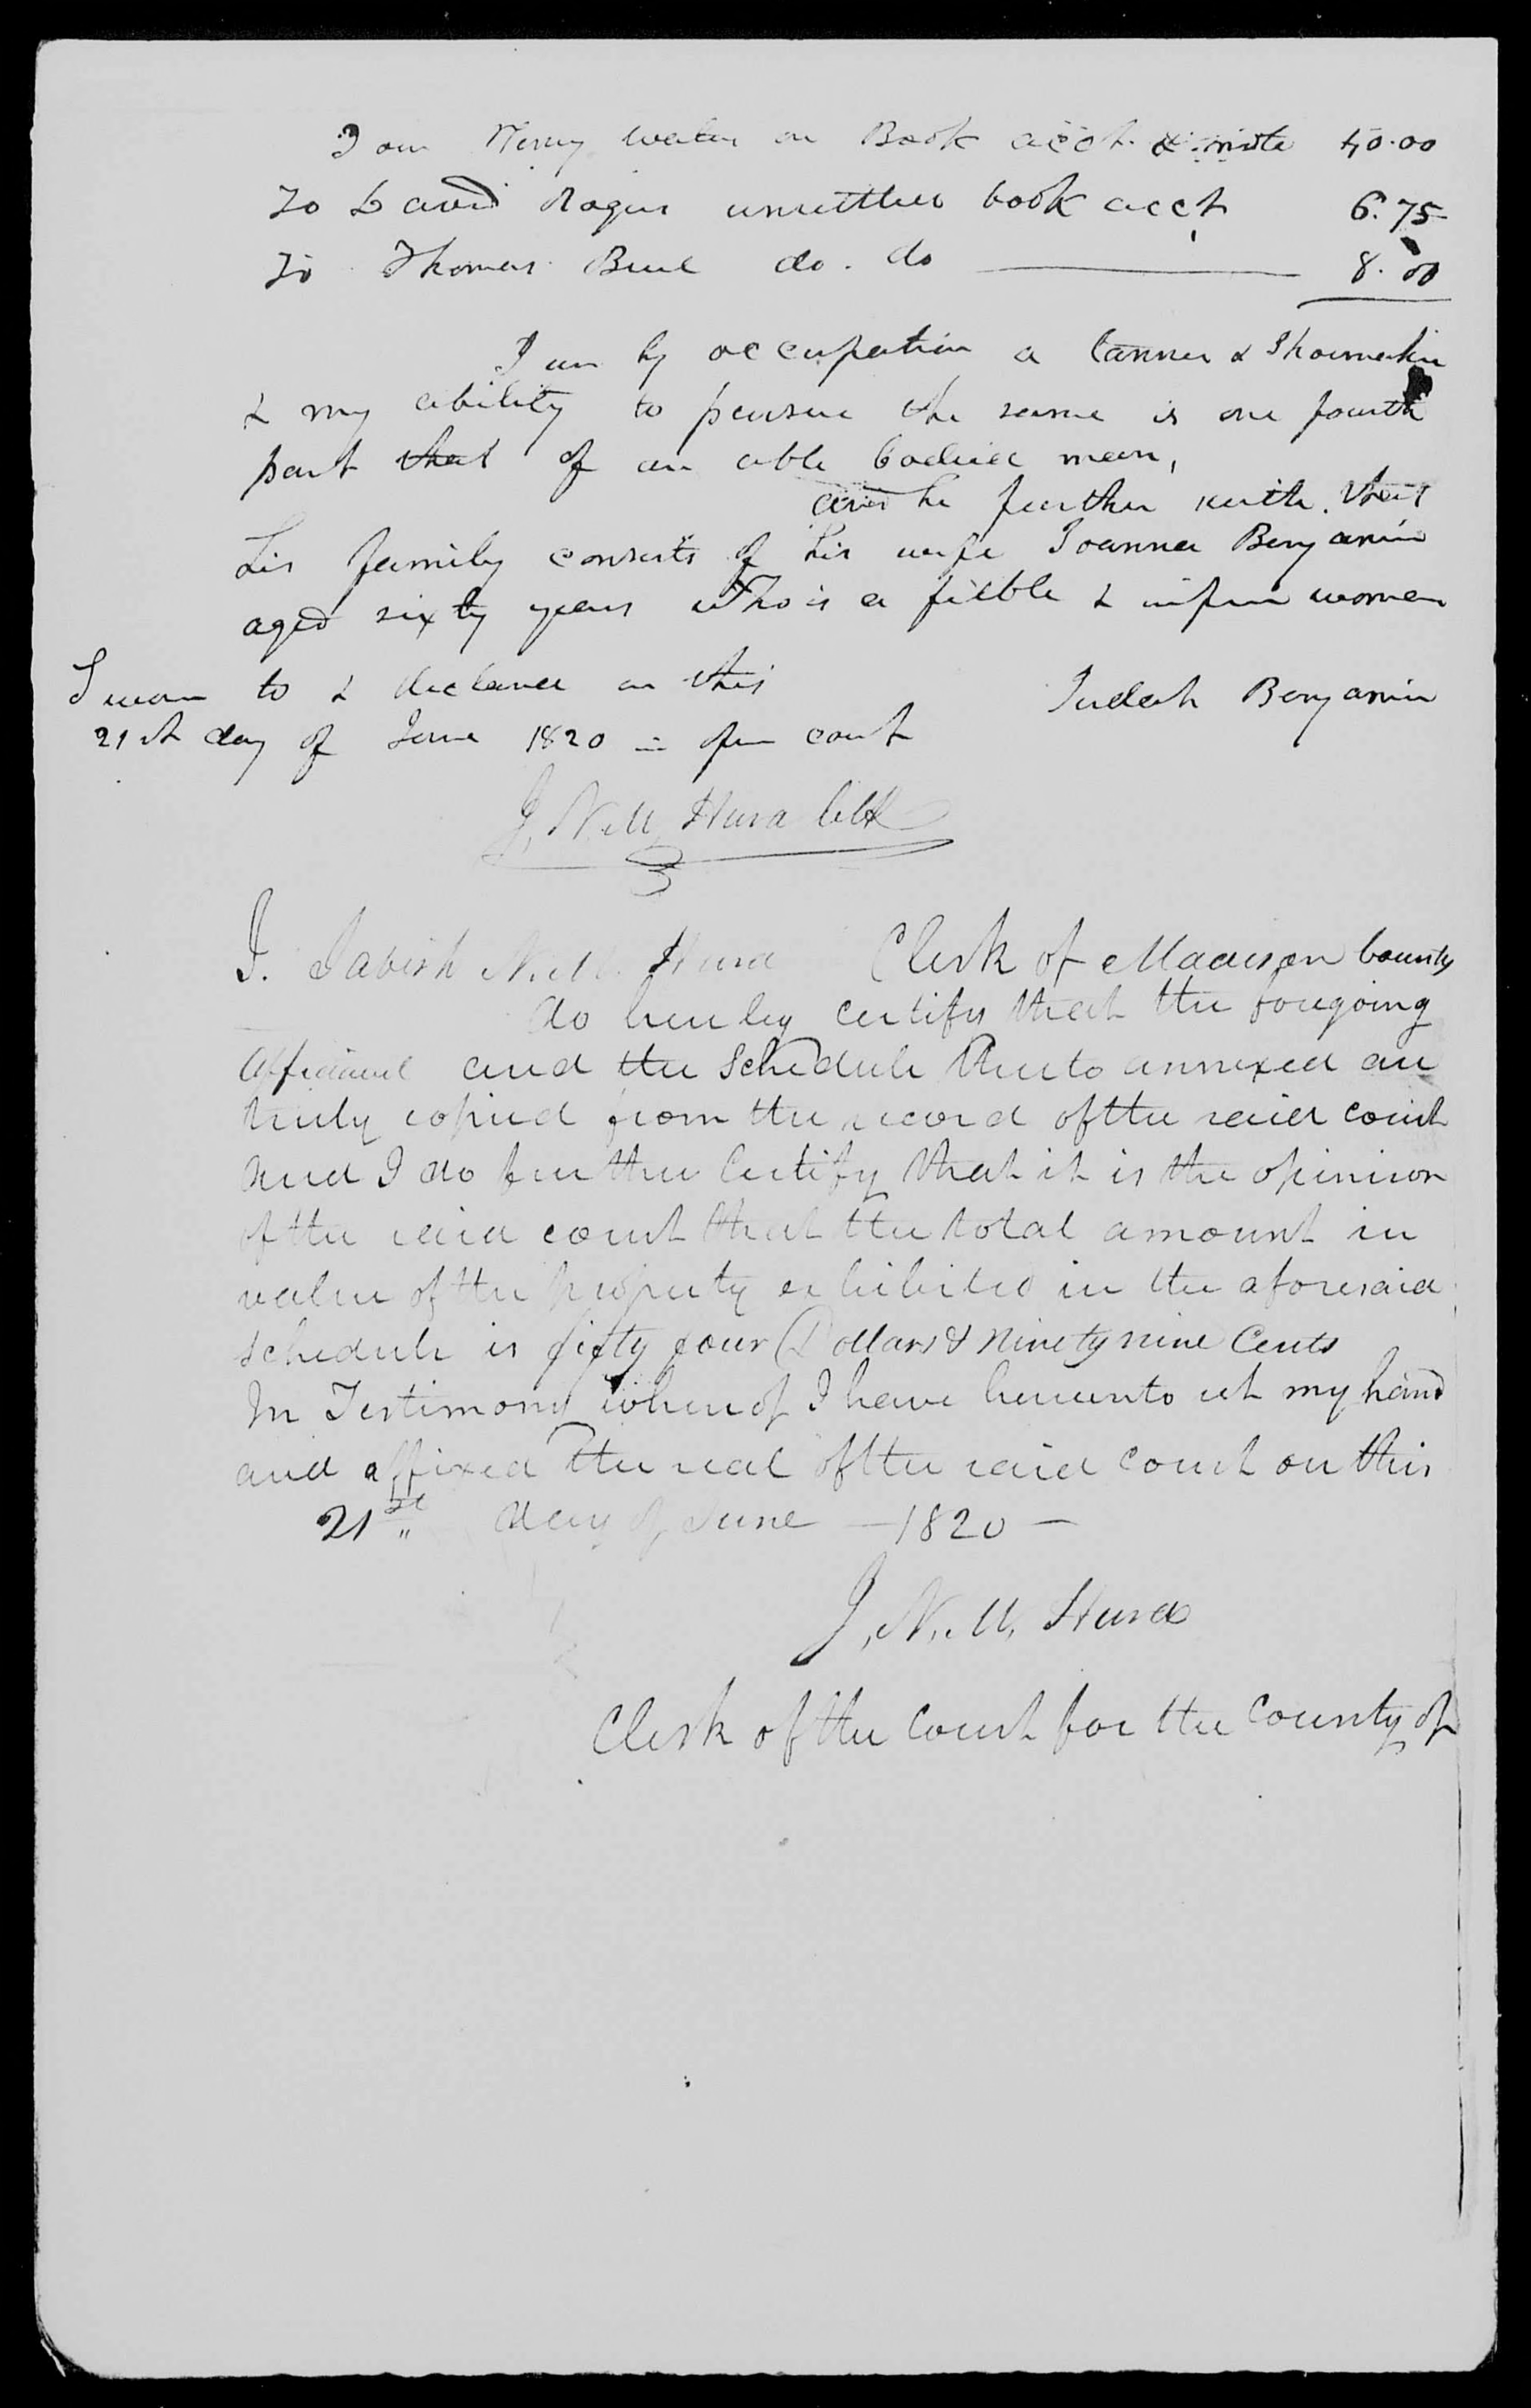I owe Henry Water on Book acc & note 40.00
To David Rogers unsettled book acct  -   6.75
To Thomas Bull    ditto    ditto   -   -   -  - 8.00

I am by occupation a tanner & Shoemaker &  my ability to pursue the same is one fourth part that of an able bodied man.  
And  he further saith that his family consists of his wife Joanna Benjamin aged sixty years who is a feeble & infirm woman
[signed] Judah Benjamin
Sworn to & declared on this 21st day of June in 1820 open court
[signed] J. Nell Hurd Clk

I  Jabeth Nell Hurd Clerk of Madison County do hereby certify that the foregoing affidavit and the schedule thereto annexed are truly copied from the record of the said Court and I do further certify that it is the opinion of the said court that the total amount in\ value of the property exhibited in the aforesaid schedule is fifty four Dollars & ninety nine cents
In Testimony whereof I have hereunto set my hand and affixed the seal of the said court on this 21st day of June - 1820-
[signed] J. Nell Hurd
Clerk of the Court for the County of [end of page]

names: Jabish Nich, J N M Hurd, Thomas Burl, Joanna Benjamin, Judah Benjamin, J N M Hurd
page: 6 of 34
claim: survivor's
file: S. 39981, Judah Benjamin, Continental (N. H. And N. Y.)